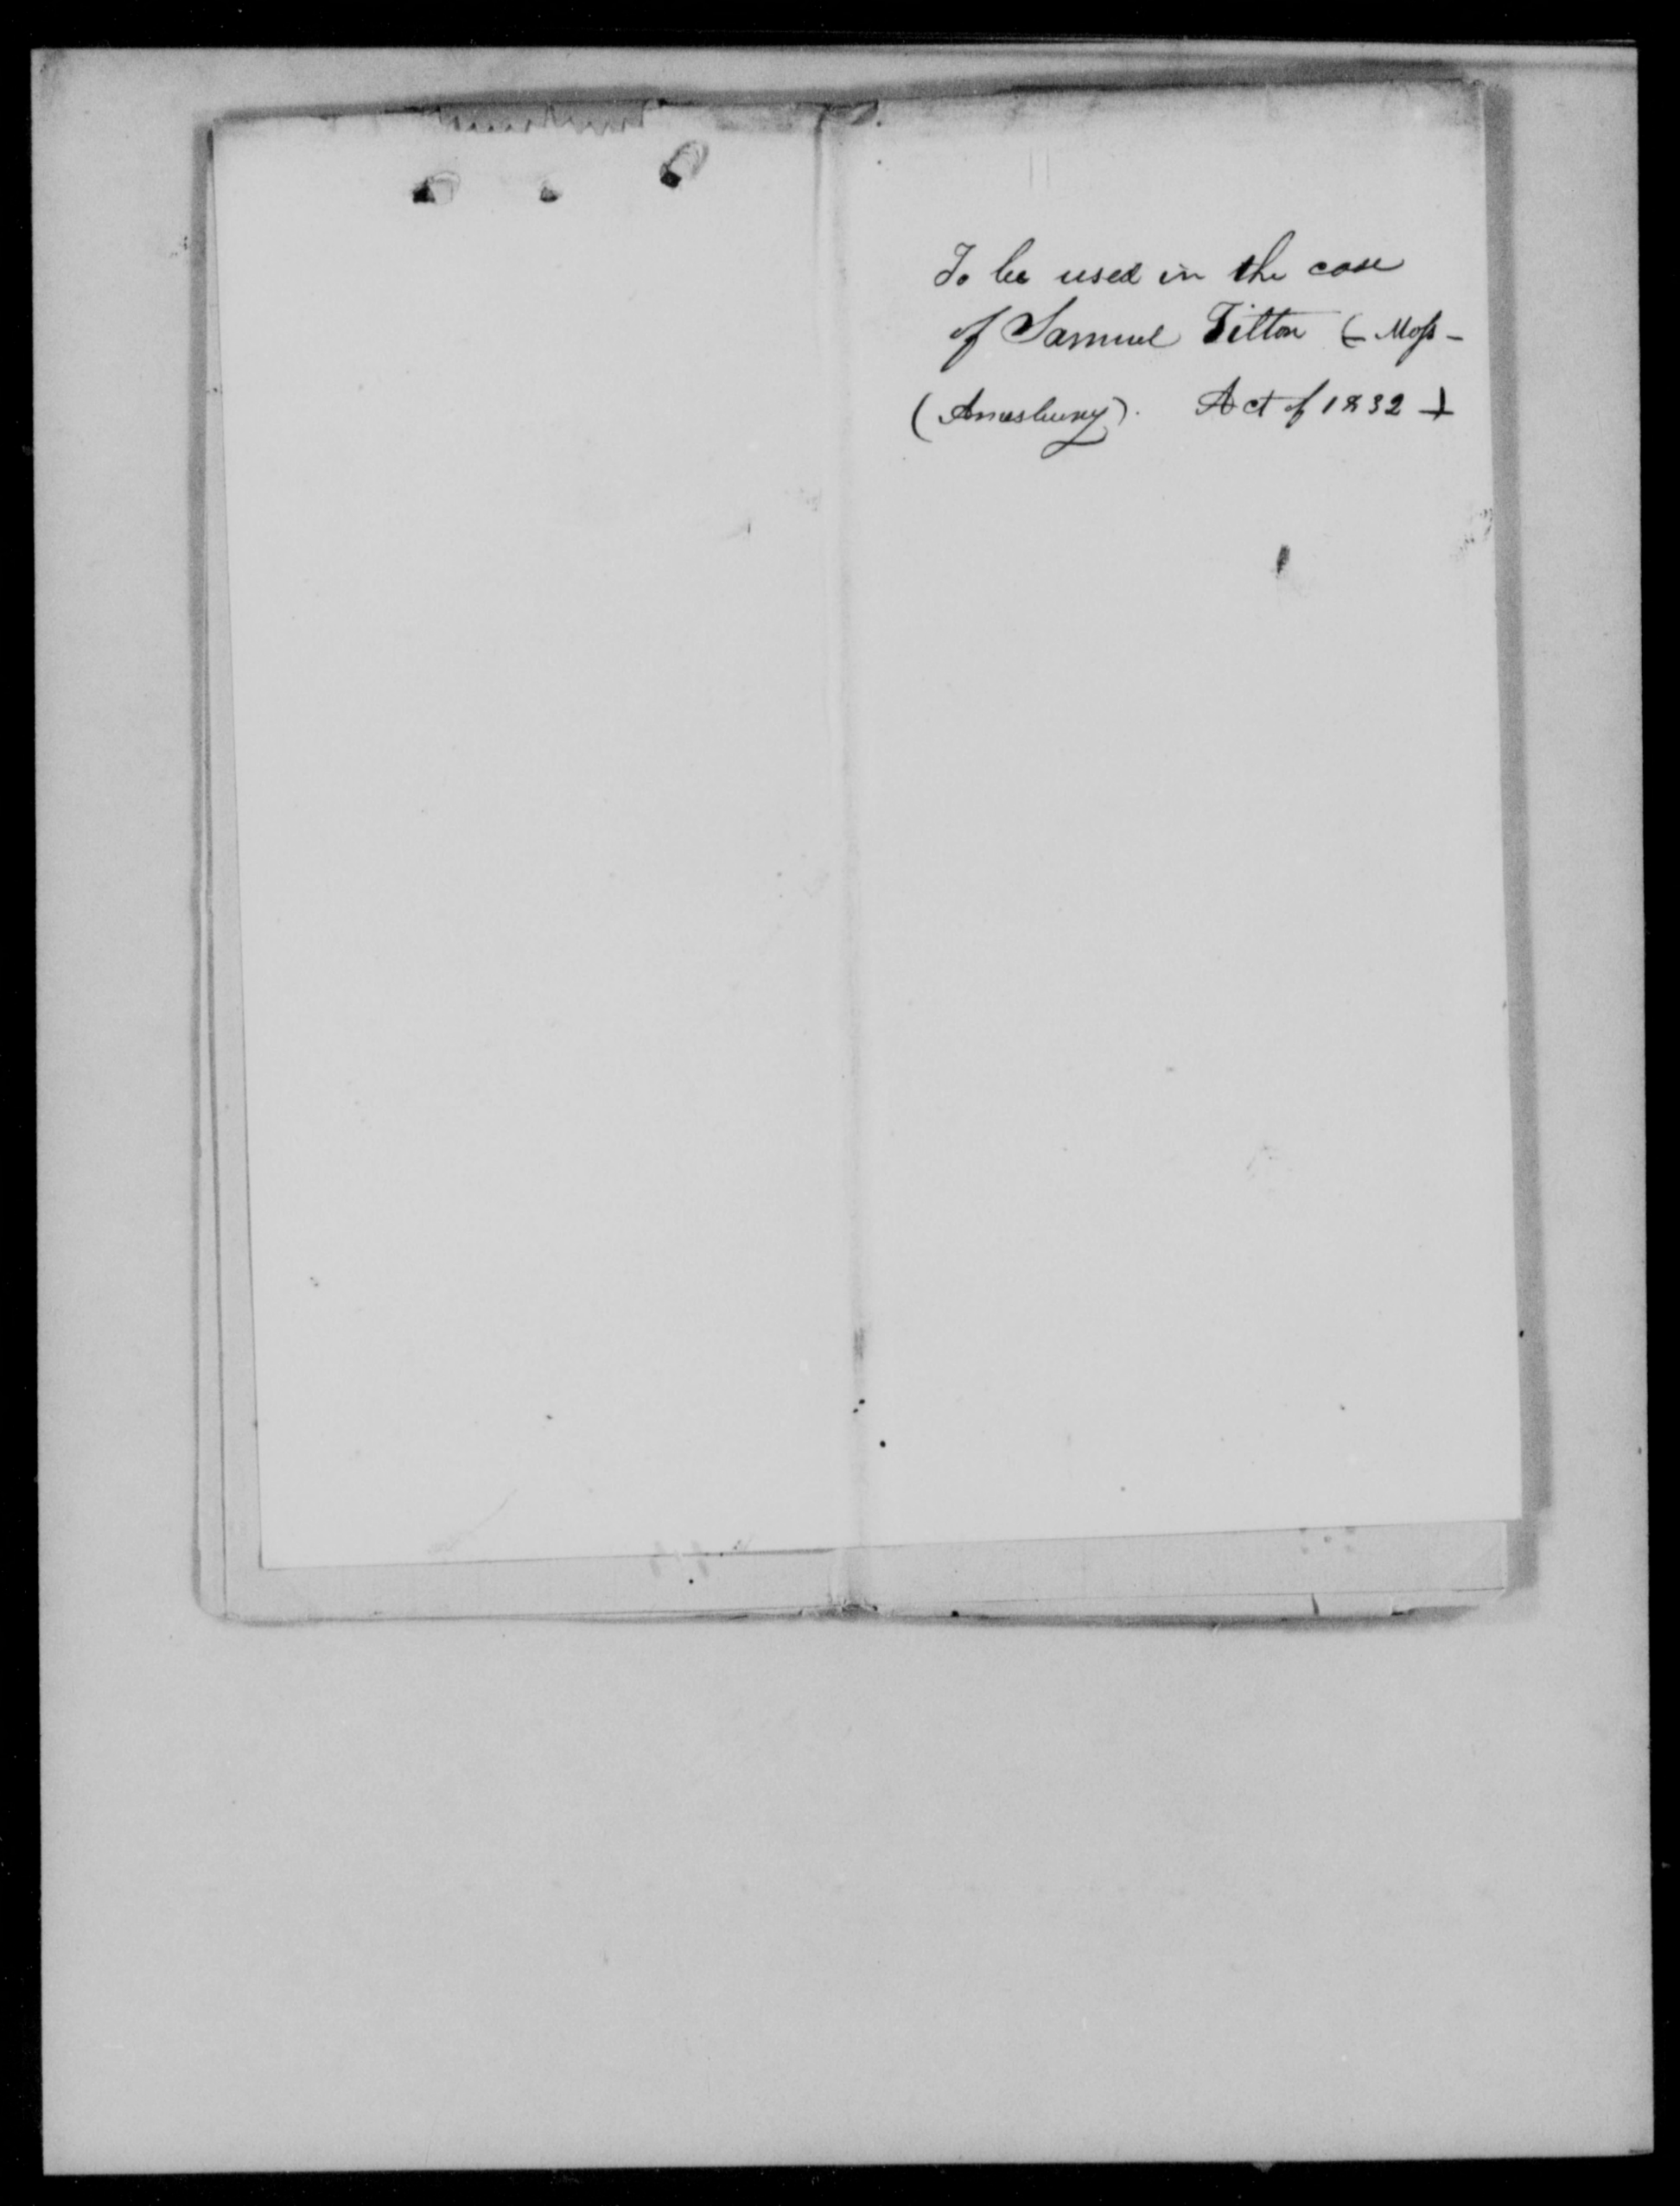To be used in the case of Samuel Tilton (Mass-
(Amebury) Act of 1832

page: 42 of 55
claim: widow's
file: W. 14,021, for Samuel Tilton, New Hampshire